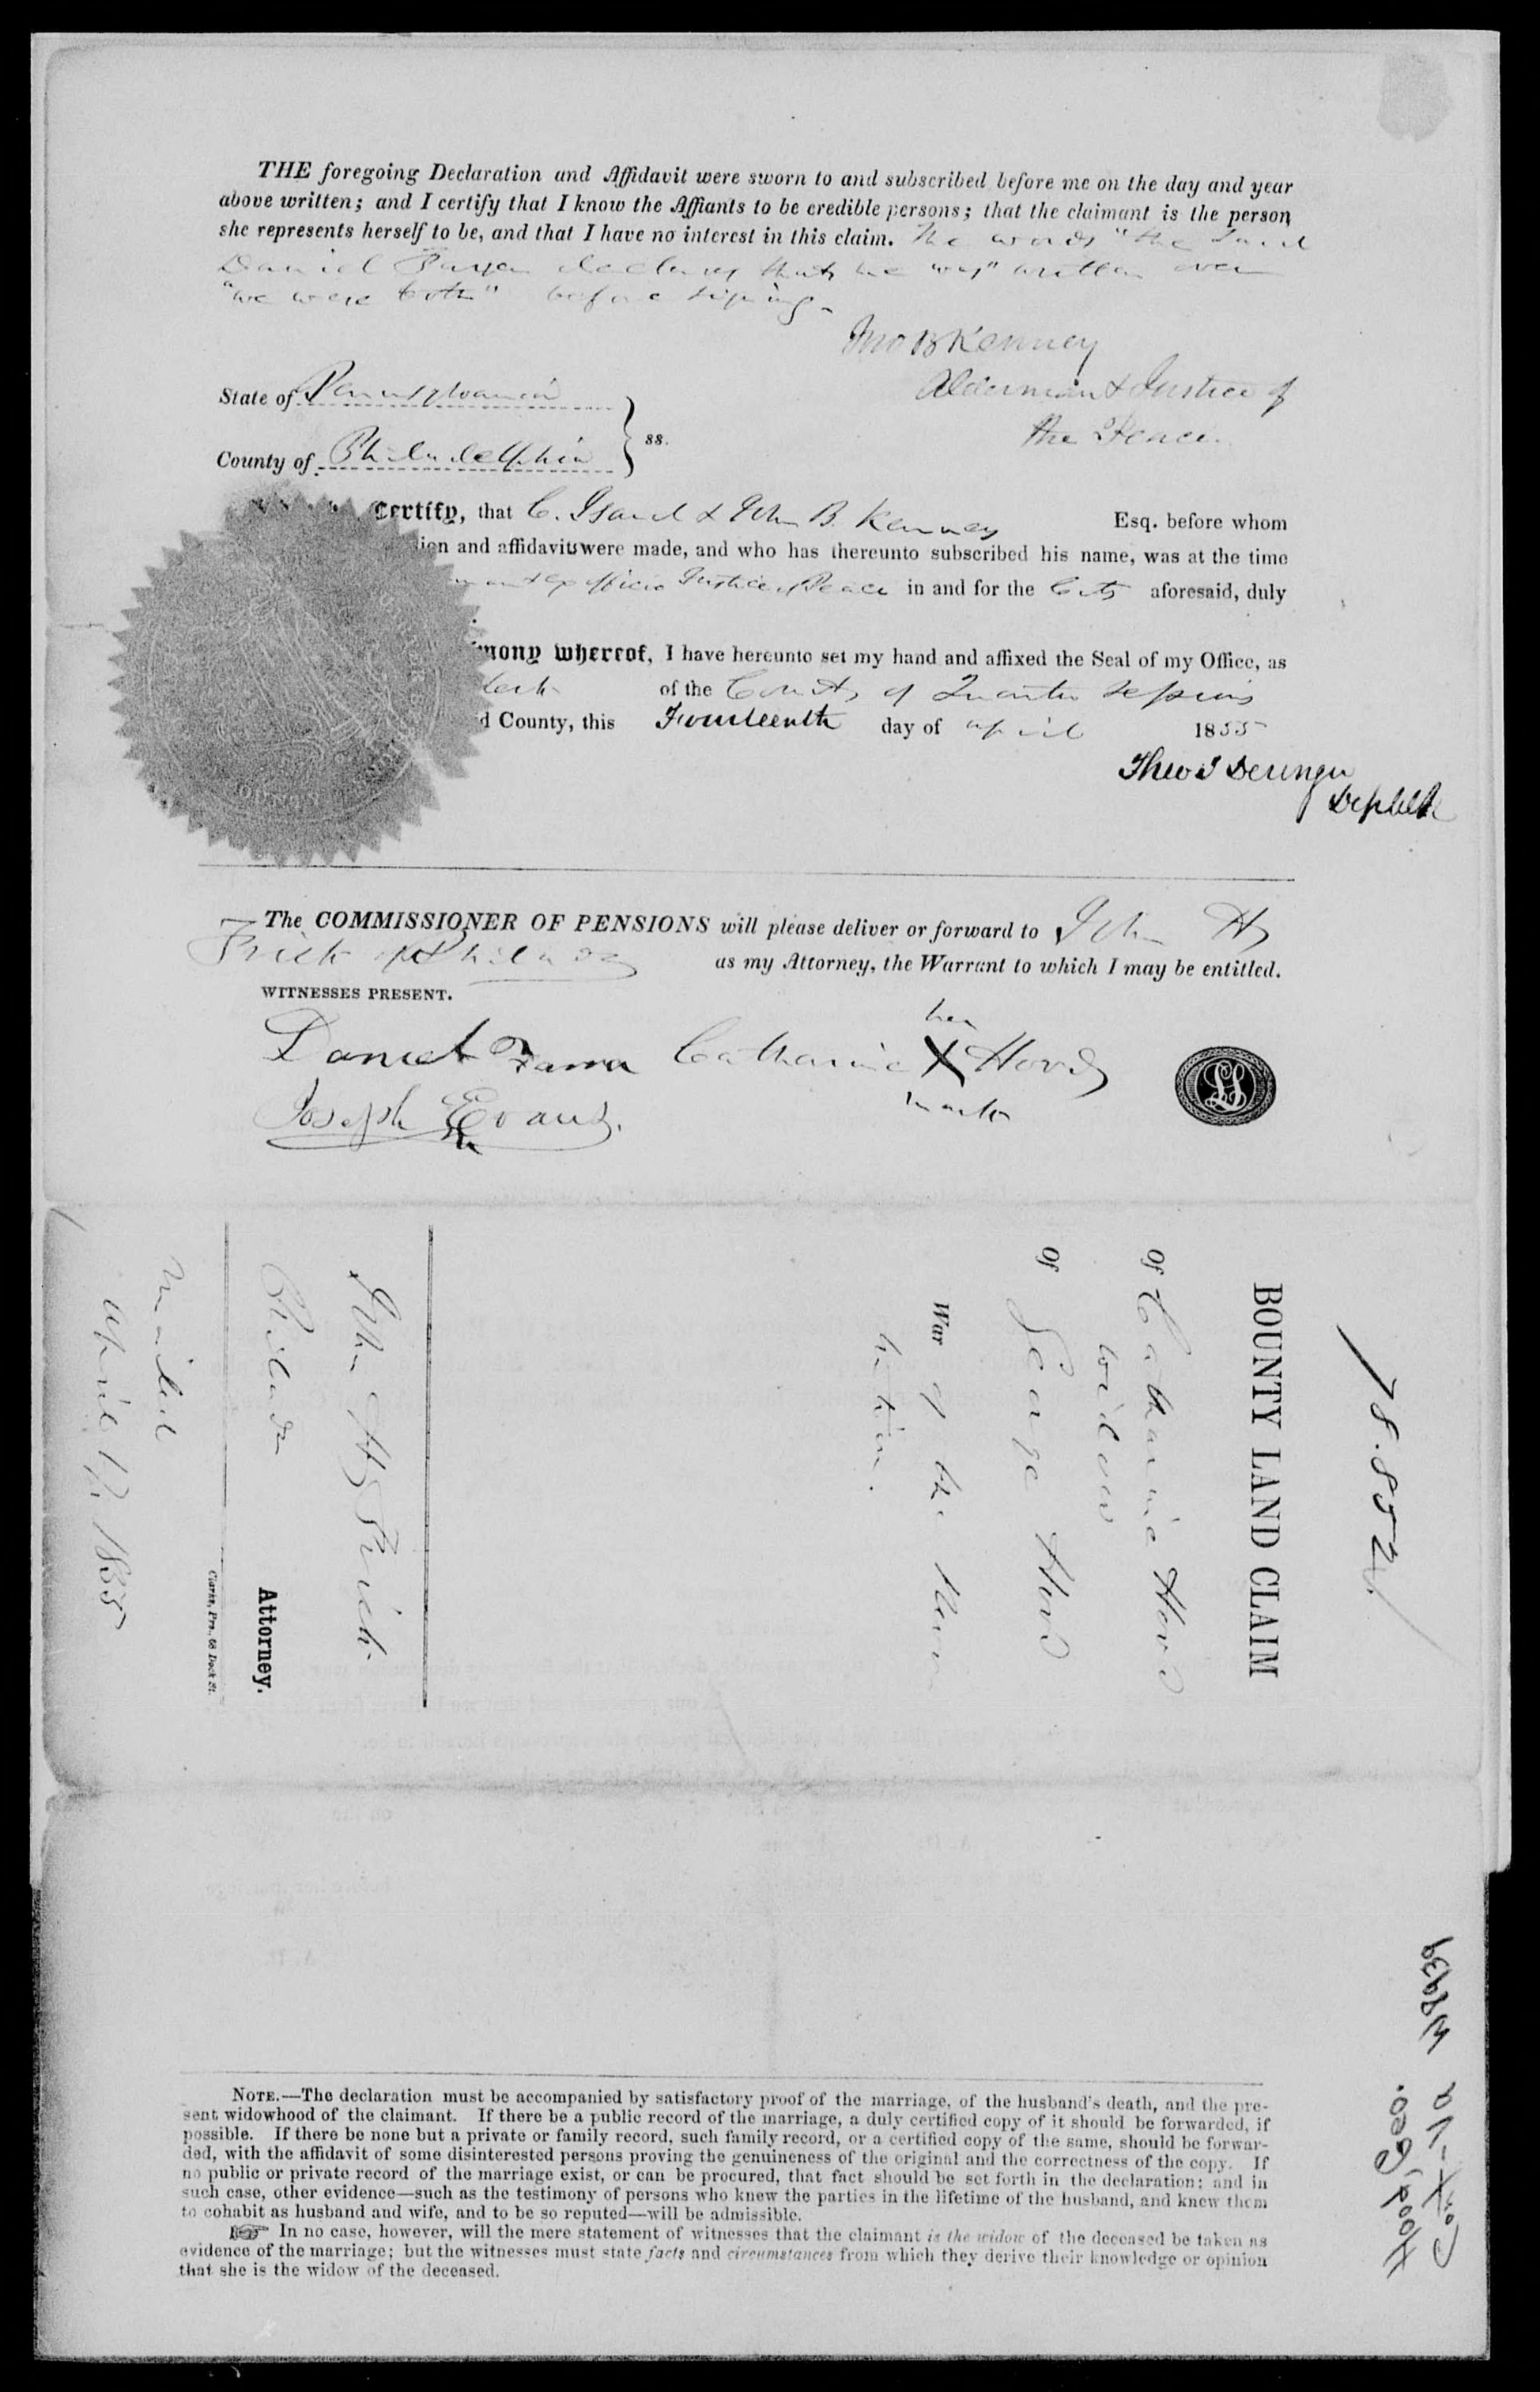The foregoing Declaration and Affidavit were sworn to and subscribed before me on the year above written; and I certify that I know the Affiants to be credible persons; that the claimant is the person she represents herself to be, and that I have no interest in this claim. [Illegible Ink Marks].

State of Pennsylvania
County of Philadelphia
I hereby certify, that [Illegible] and John B. Kenney, Esq. before whom [Missing Text] of the Court of Common Pleas [Missing Text], this fourteenth day of April 1855.
The Commissioner of Pensions will please deliver or forward to John H. Frick of Philadelphia, as my Attorney, the Warrant to which I may be entitled. 
Catharine Hood
Witnesses present.
Daniel Farrar 
Joseph Evans

78.852
Bounty Land Claim of Catharine Hood, Widow of George Hood, War of the Revolution
John H. Frick of Philadelphia, Attorney
Filed April 17, 1855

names: John B Kenney, John H Frich, George Hood, John H Frick, Daniel Farrar, Theo J Deringer, Catharine Hood, Daniel Farra, Geo Hood, Jno B Kenney, Joseph Evans, C Isarel, Catharine Hood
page: 11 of 51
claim: widow's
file: W 8939, George Hood, Continental Va.